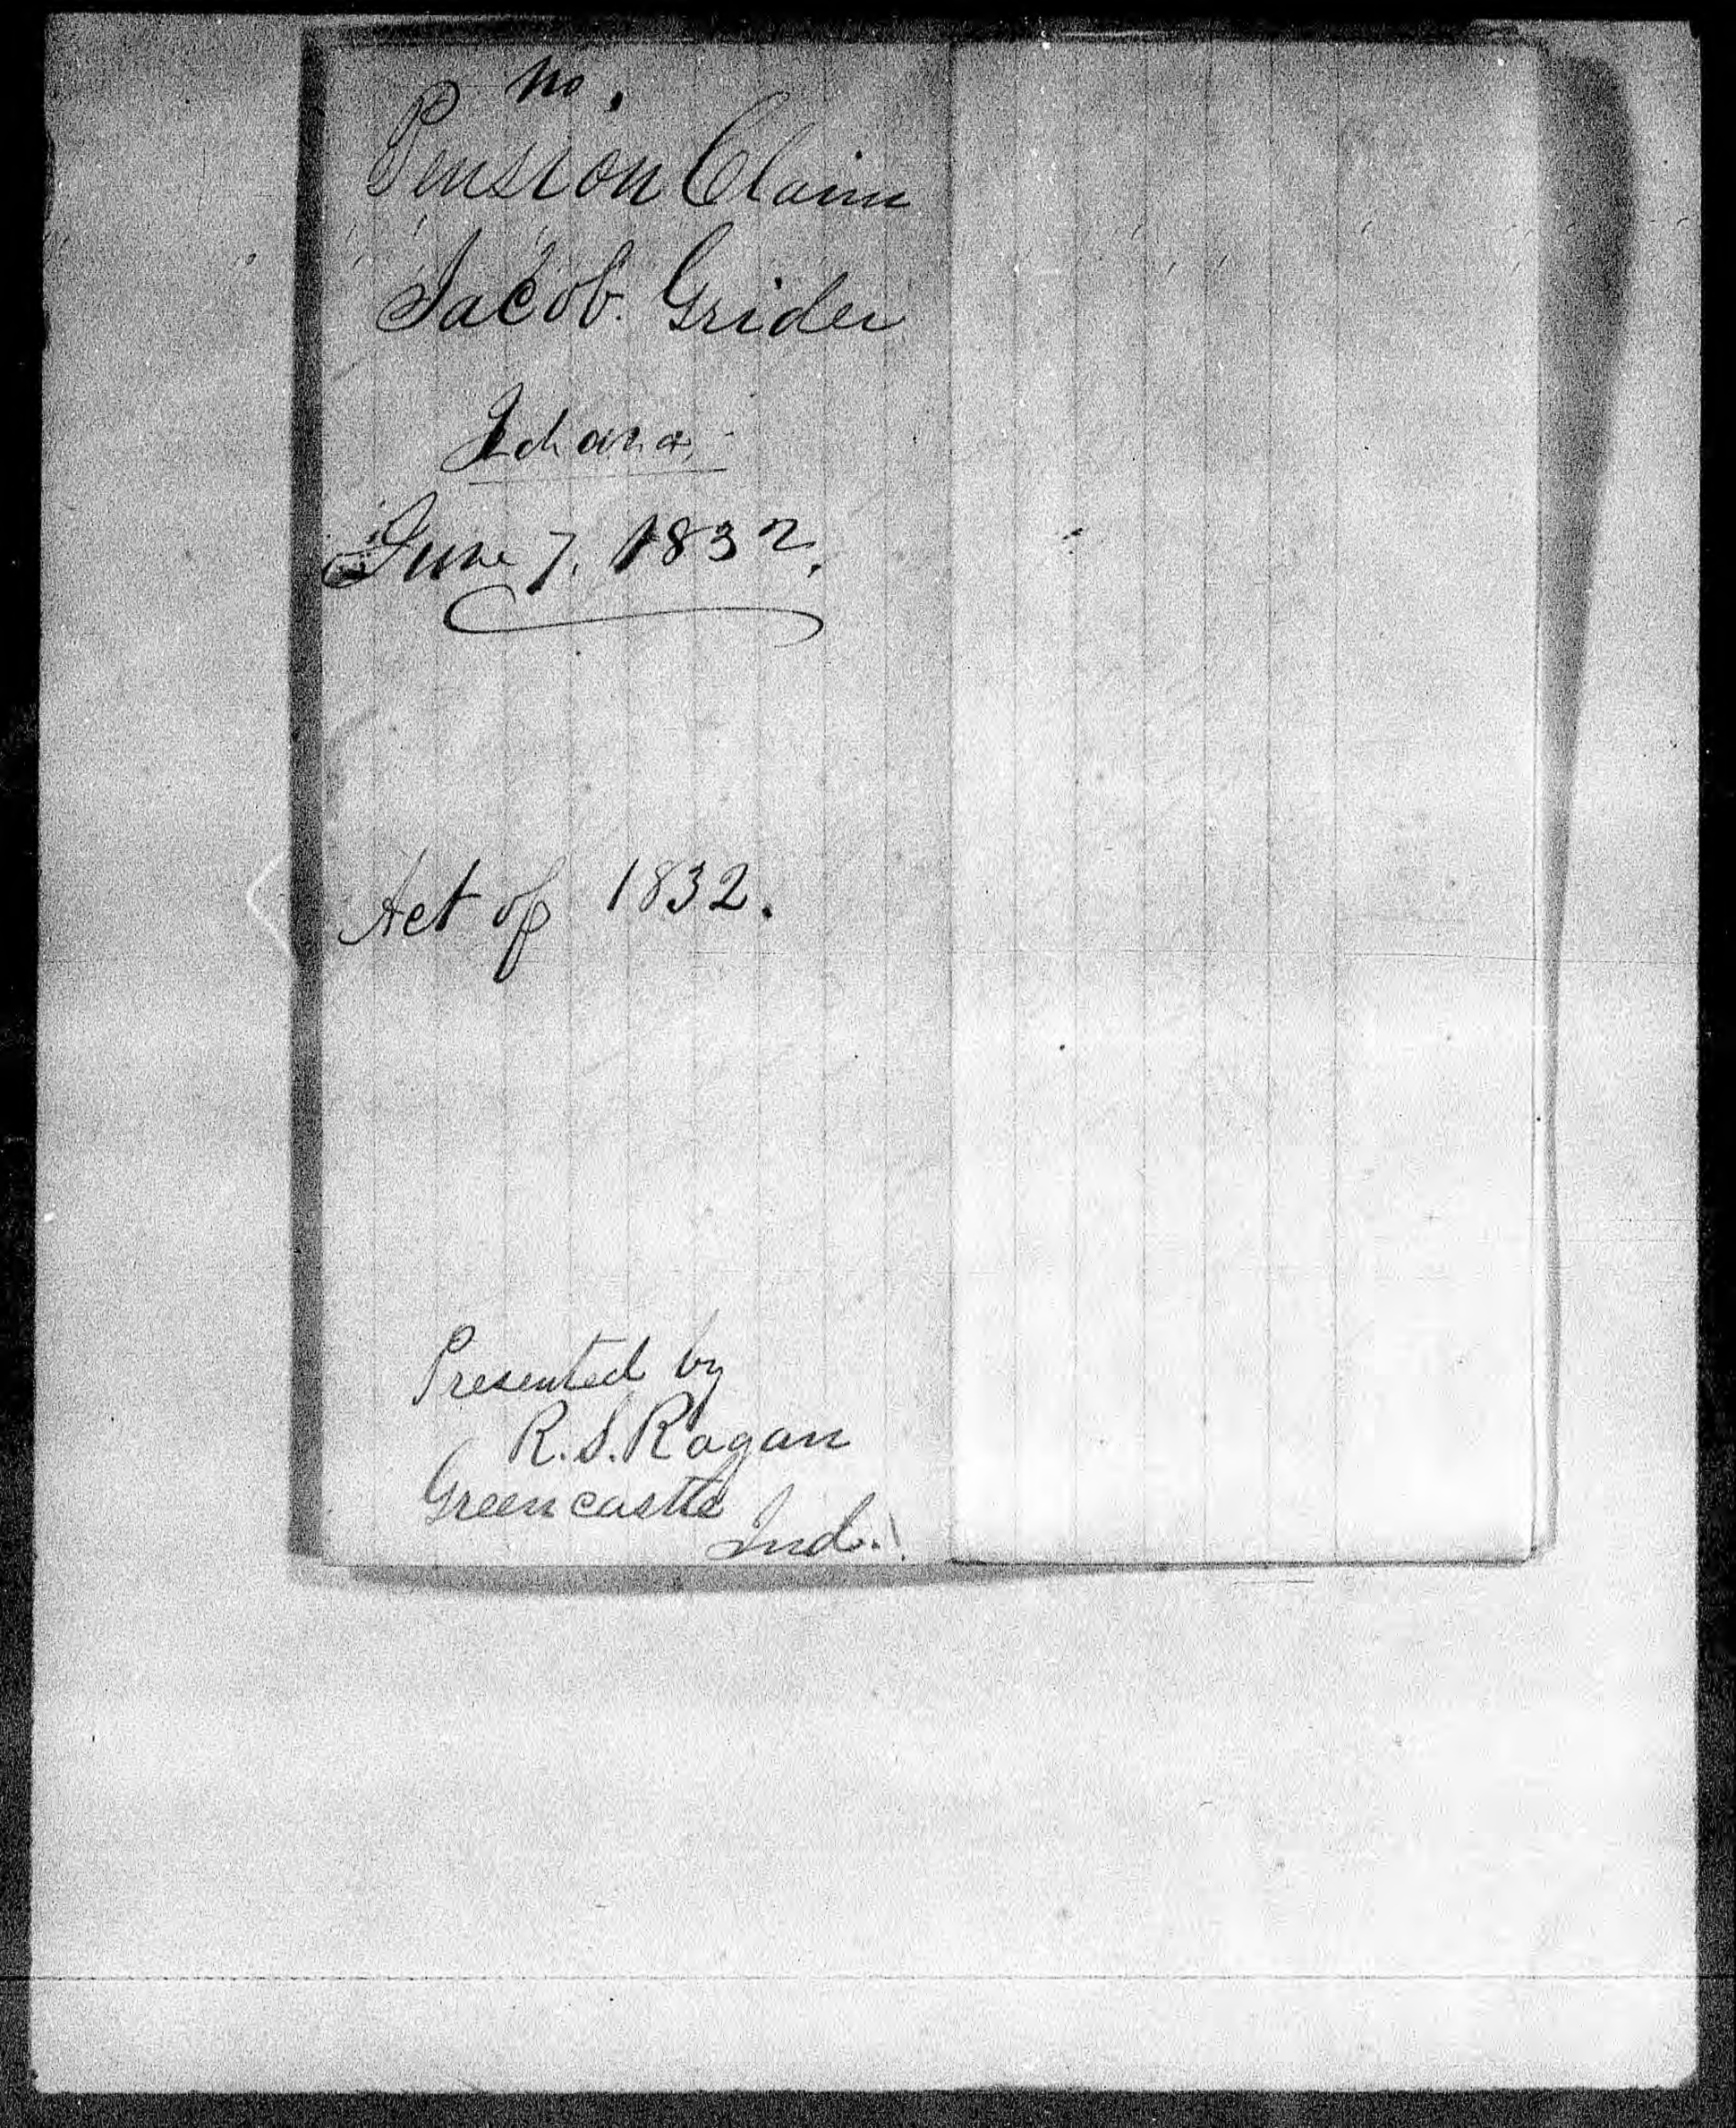No.
Pension Claim 
Jacob Grider
Indiana
June 7, 1832.
Act of 1832
Presented by 
R.S. Ragan
Greencastle Indiana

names: Jacob Grider, R S Ragan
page: 8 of 10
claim: rejected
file: R. 4302, Jacob Grider, Va